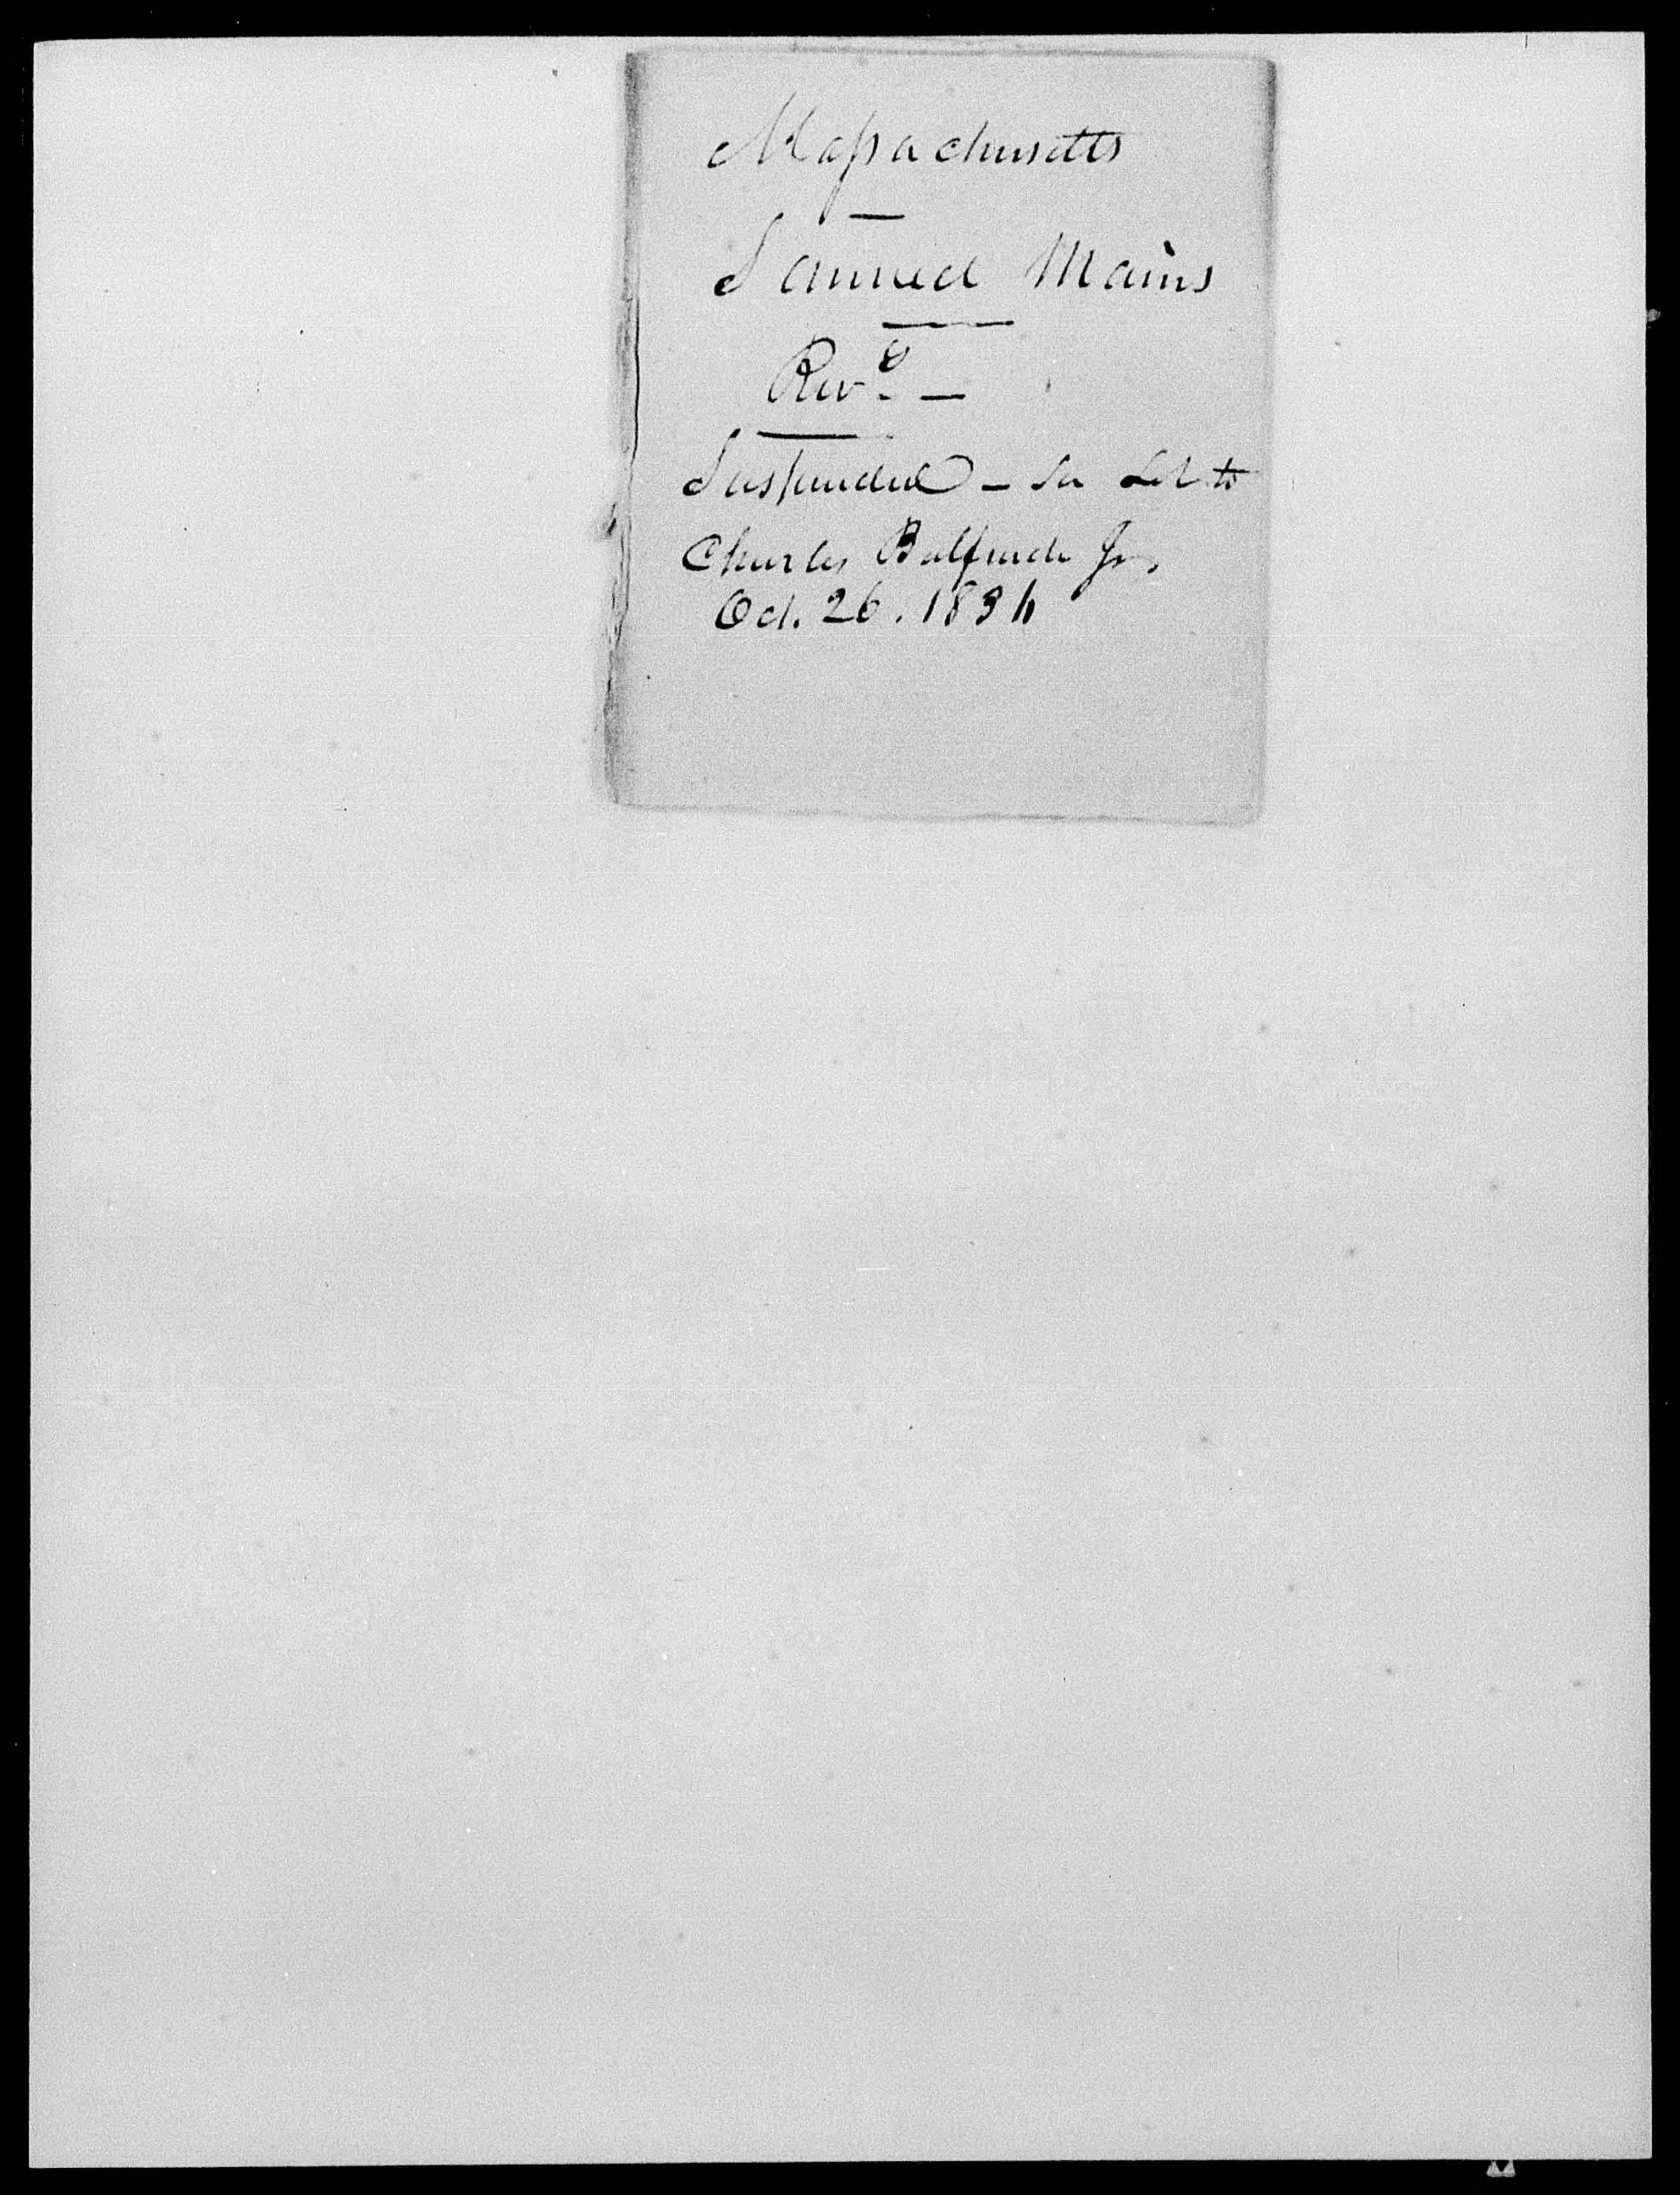Massachusetts

Samuel Mains
Rev.
Suspended - See Let to
Charles Bulfruch Jr
Oct. 26. 1836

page: 2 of 11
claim: rejected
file: R 6837, for Samuel Mains, Maryland